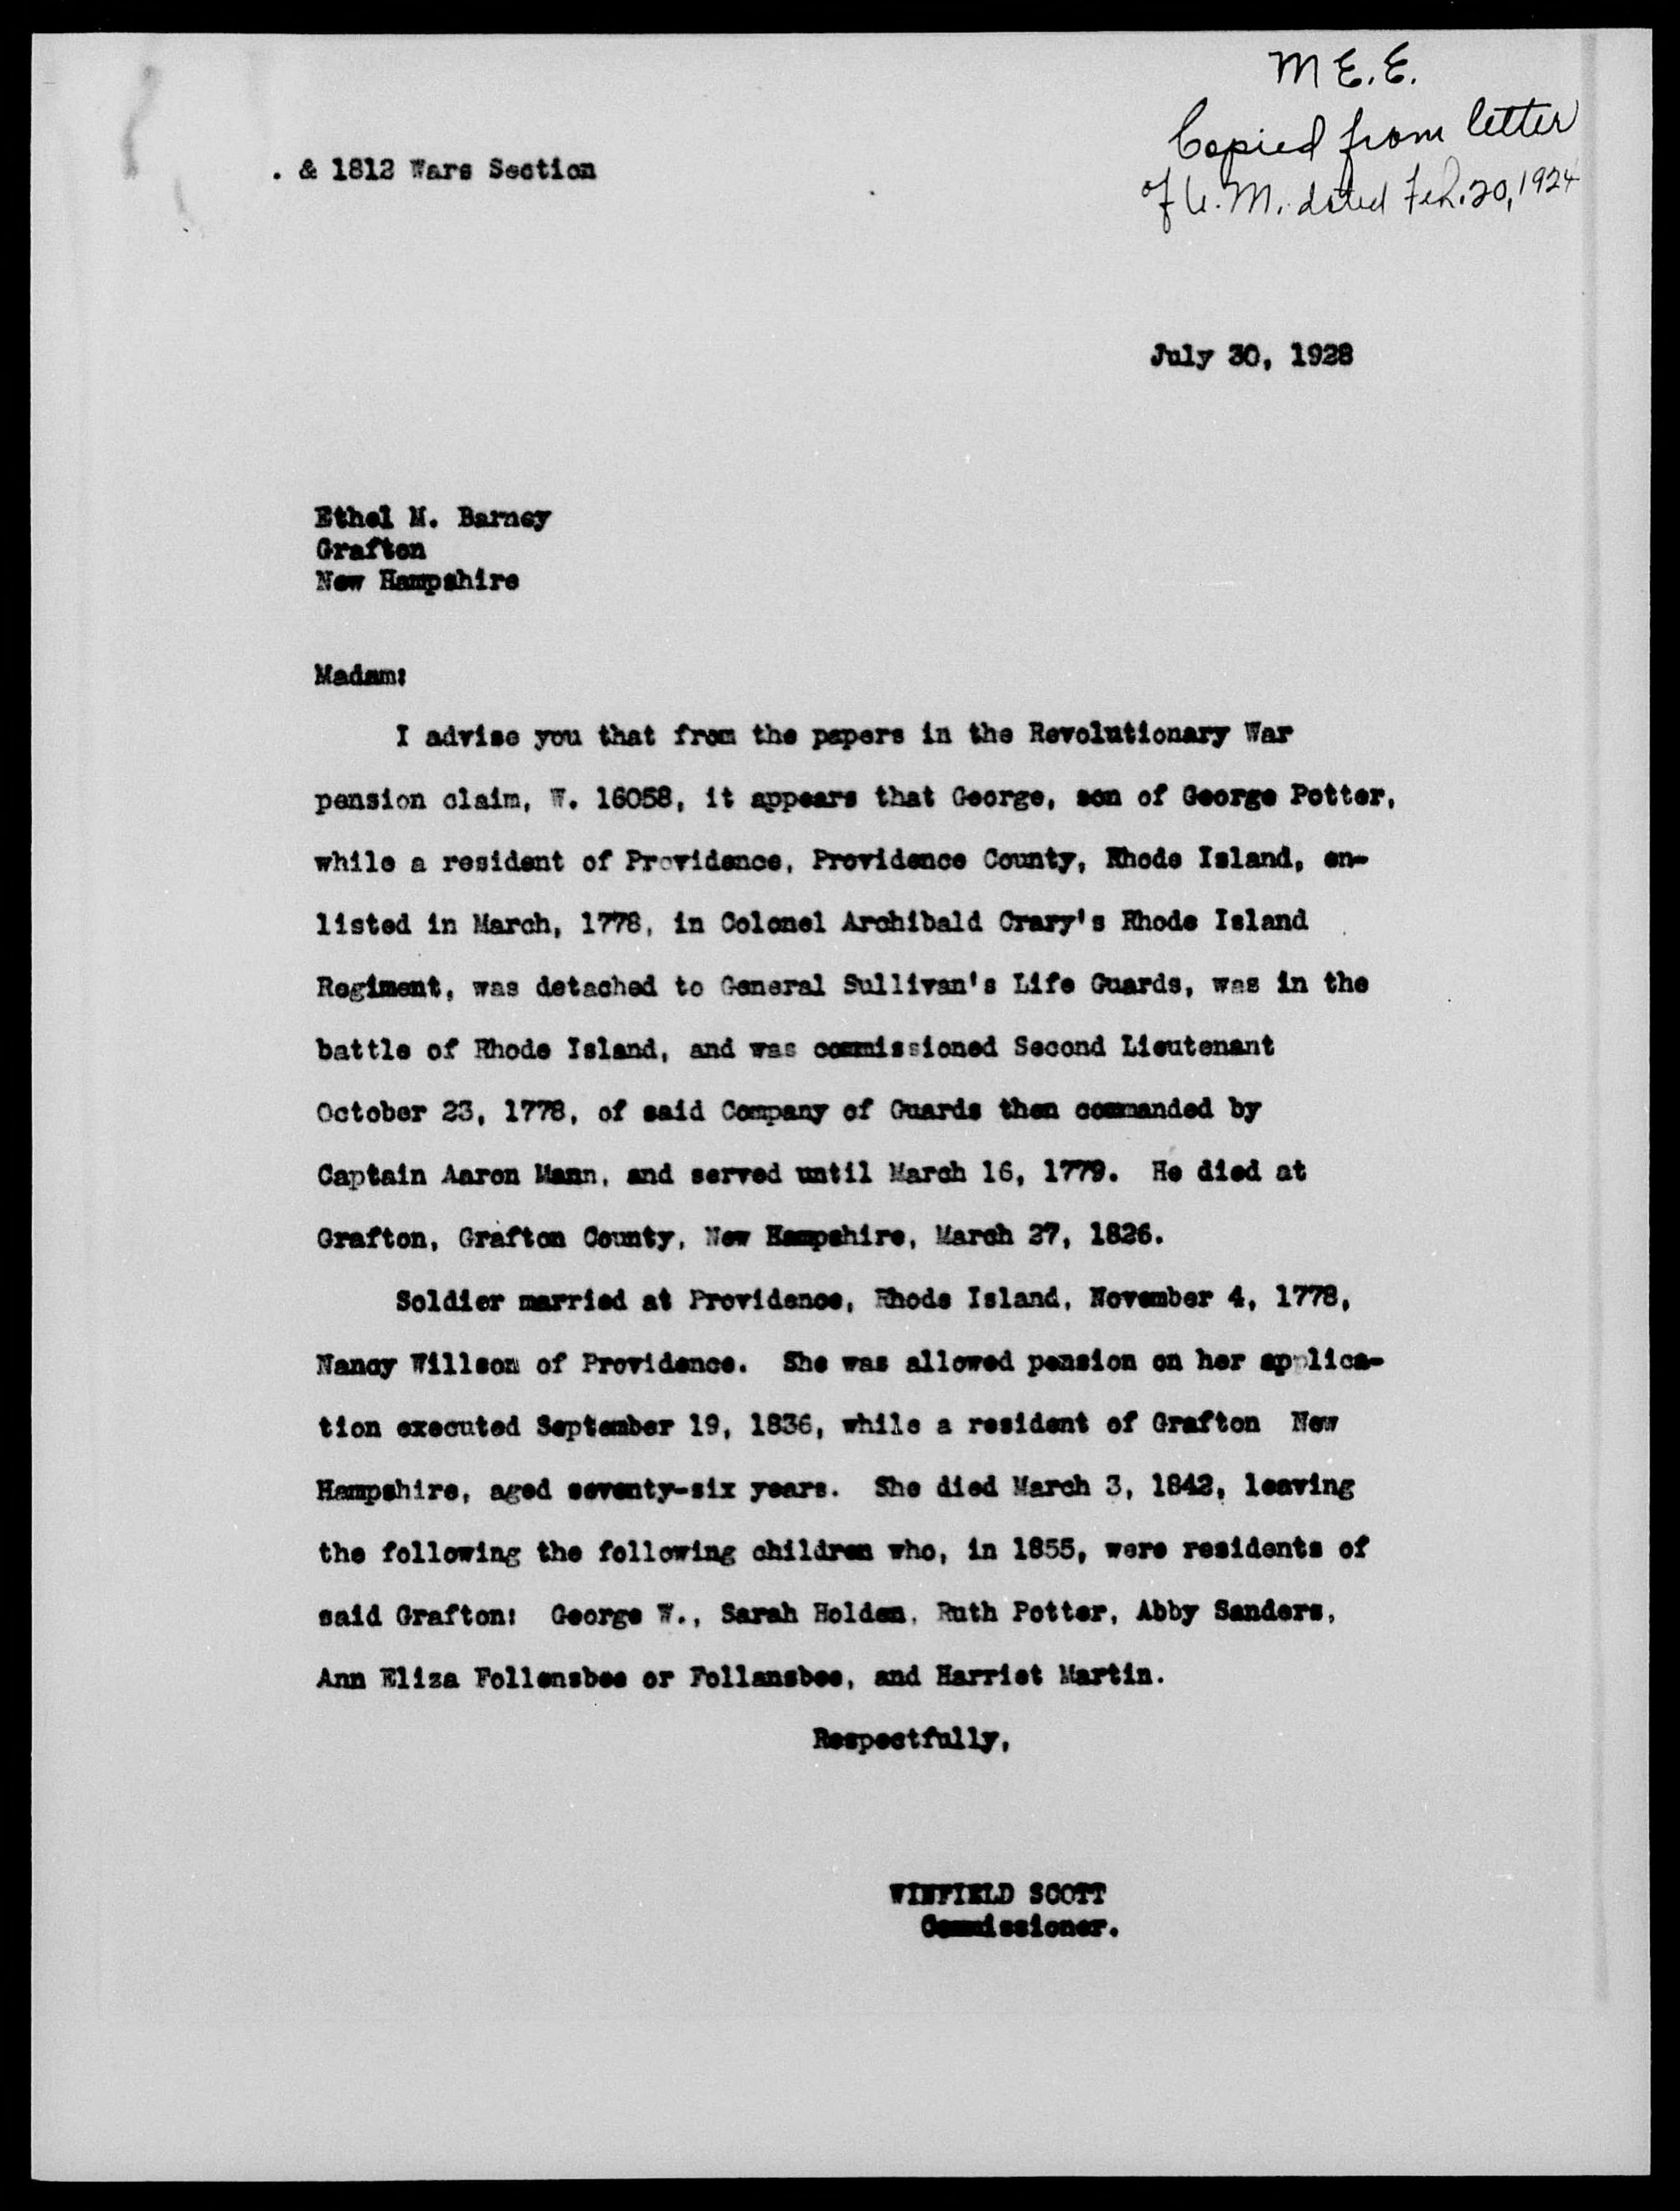M E. E. 
Copied from letter
of G.M. dated Feb. 20, 1924

& 1812 Wars Section
July 30, 1928
Ethel M. Barney
Grafton
New Hampshire

Madam:
I advise you that from the papers in the Revolutionary War pension claim, W. 16058, it appears that George, son of George Potter,
while a resident of Providence, Providence County, Rhode Island, enlisted in March, 1778, in Colonel Archibald Crary's Rhode Island
Regiment, was detached to General Sullivan's Life Guards, was in the battle of Rhode Island, and was commissioned Second Lieutenant
October 23, 1778, of said Company of Guards then commanded by Captain Aaron Mann, and served until March 16, 1779. He died at Grafton, Grafton County, New Hampshire, March 27, 1826.
  Soldier married at Providence, Rhode Island, November 4, 1778, Nancy Willson of Providence. She was allowed pension on her application executed September 19, 1836, while a resident of Grafton New Hampshire, aged seventy-six years. She died March 3, 1842, leaving the following the following children who, in 1855, were residents of
said Grafton: George W., Sarah Holden, Ruth Potter, Abby Sanders, Ann Elisa Follensbee or Follansbee, and Harriet Martin.
Respectfully,
WINFIELD SCOTT
Commissioner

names: Aaron Mann; Abby Sanders; Ann Eliza Follensbee; Ann Eliza Follansbee; Ethel M Barney; Harriet Martin; George W [BLANK]; Winfield Scott; George Potter; Ruth Potter; Nancy Willson; Sarah Holden; [BLANK] Sullivan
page: 18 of 40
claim: widow's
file: W. 16058, for George Potter, Rhode Island